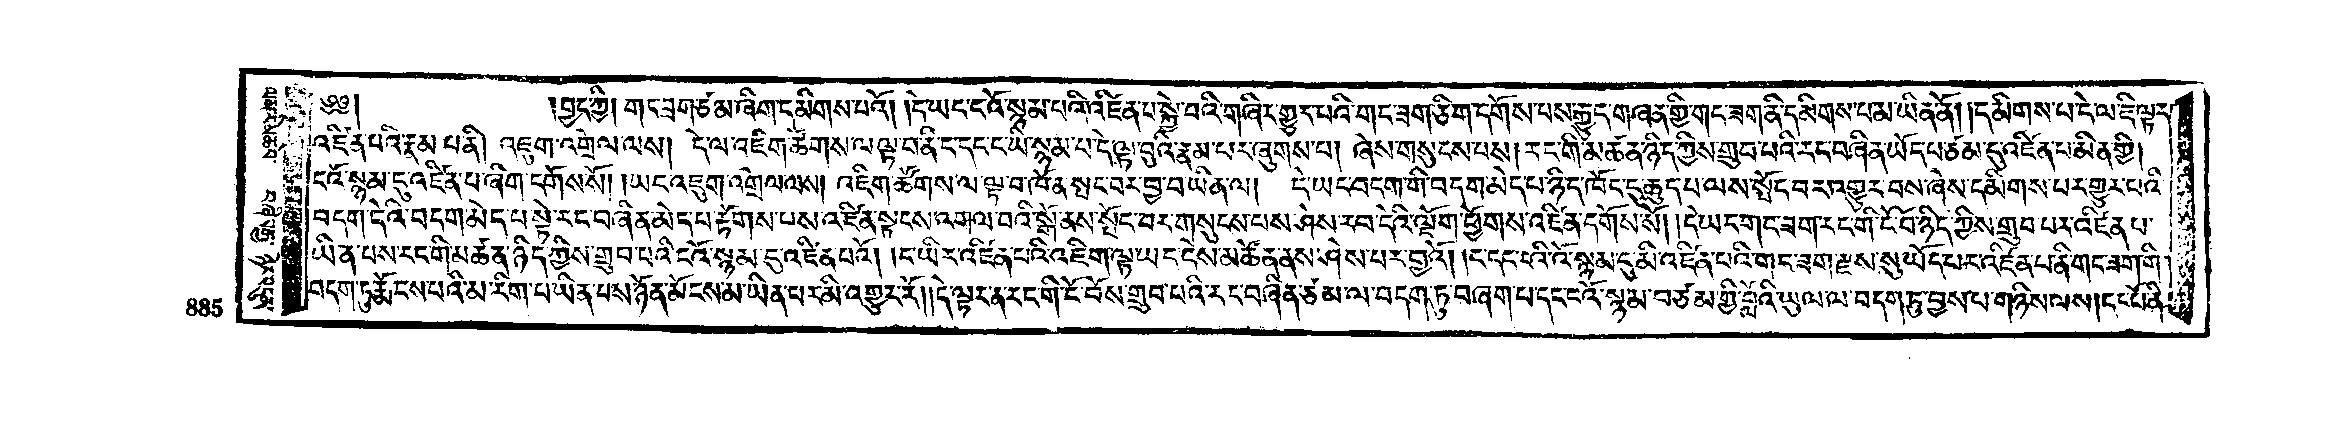༄༅། །བྱེད་ཀྱི། གང་ཟག་ཙམ་ཞིག་དམིགས་པའོ། །དེ་ཡང་ངའོ་སྙམ་པའི་འཛིན་པ་སྐྱེ་བའི་གཞིར་གྱུར་པའི་གང་ཟག་ཅིག་དགོས་པས་རྒྱུད་གཞན་གྱི་གང་ཟག་ནི་དམིགས་པ་མ་ཡིན་ནོ། །དམིགས་པ་དེ་ལ་ཇི་ལྟར་
འཛིན་པའི་རྣམ་པ་ནི། འཇུག་འགྲེལ་ལས། དེ་ལ་འཇིག་ཚོགས་ལ་ལྟ་བ་ནི་ང་དང་ང་ཡི་སྙམ་པ་དེ་ལྟ་བུའི་རྣམ་པར་ཞུགས་པ། ཞེས་གསུངས་པས། རང་གི་མཚན་ཉིད་ཀྱིས་གྲུབ་པའི་རང་བཞིན་ཡོད་པ་ཙམ་དུ་འཛིན་པ་མིན་གྱི།
ངའོ་སྙམ་དུ་འཛིན་པ་ཞིག་དགོས་སོ། །ཡང་འཇུག་འགྲེལ་ལས། འཇིག་ཚོགས་ལ་ལྟ་བ་ཁོ་ན་སྤང་བར་བྱ་བ་ཡིན་ལ། དེ་ཡང་བདག་གི་བདག་མེད་པ་ཉིད་ཁོང་དུ་ཆུད་པ་ལས་སྤོང་བར་འགྱུར་བས་ཞེས་དམིགས་པར་གྱུར་པའི་
བདག་དེའི་བདག་མེད་པ་སྟེ་རང་བཞིན་མེད་པ་རྟོགས་པས་འཛིན་སྟངས་འགལ་བའི་སྒོ་ནས་སྤོང་བར་གསུངས་པས་ཤེས་རབ་དེའི་ལྡོག་ཕྱོགས་འཛིན་དགོས་སོ། །དེ་ཡང་གང་ཟག་རང་གི་ངོ་བོ་ཉིད་ཀྱིས་གྲུབ་པར་འཛིན་པ་
ཡིན་པས་རང་གི་མཚན་ཉིད་ཀྱིས་གྲུབ་པའི་ངའོ་སྙམ་དུ་འཛིན་པའོ། །ང་ཡིར་འཛིན་པའི་འཇིག་ལྟ་ཡང་དེས་མཚོན་ནས་ཤེས་པར་བྱའོ། །ང་དང་ངའི་འོ་སྙམ་དུ་མི་འཛིན་པའི་གང་ཟག་རྫས་སུ་ཡོད་པར་འཛིན་པ་ནི་གང་ཟག་གི་
བདག་ཏུ་རྨོངས་པའི་མ་རིག་པ་ཡིན་པས་ཉོན་མོངས་མ་ཡིན་པར་མི་འགྱུར་རོ། །དེ་ལྟར་ན་རང་གི་ངོ་བོས་གྲུབ་པའི་རང་བཞིན་ཙམ་ལ་བདག་ཏུ་བཞག་པ་དང་ངའོ་སྙམ་པ་ཙམ་གྱི་བློའི་ཡུལ་ལ་བདག་ཏུ་བྱས་པ་གཉིས་ལས། དང་པོ་ནི་